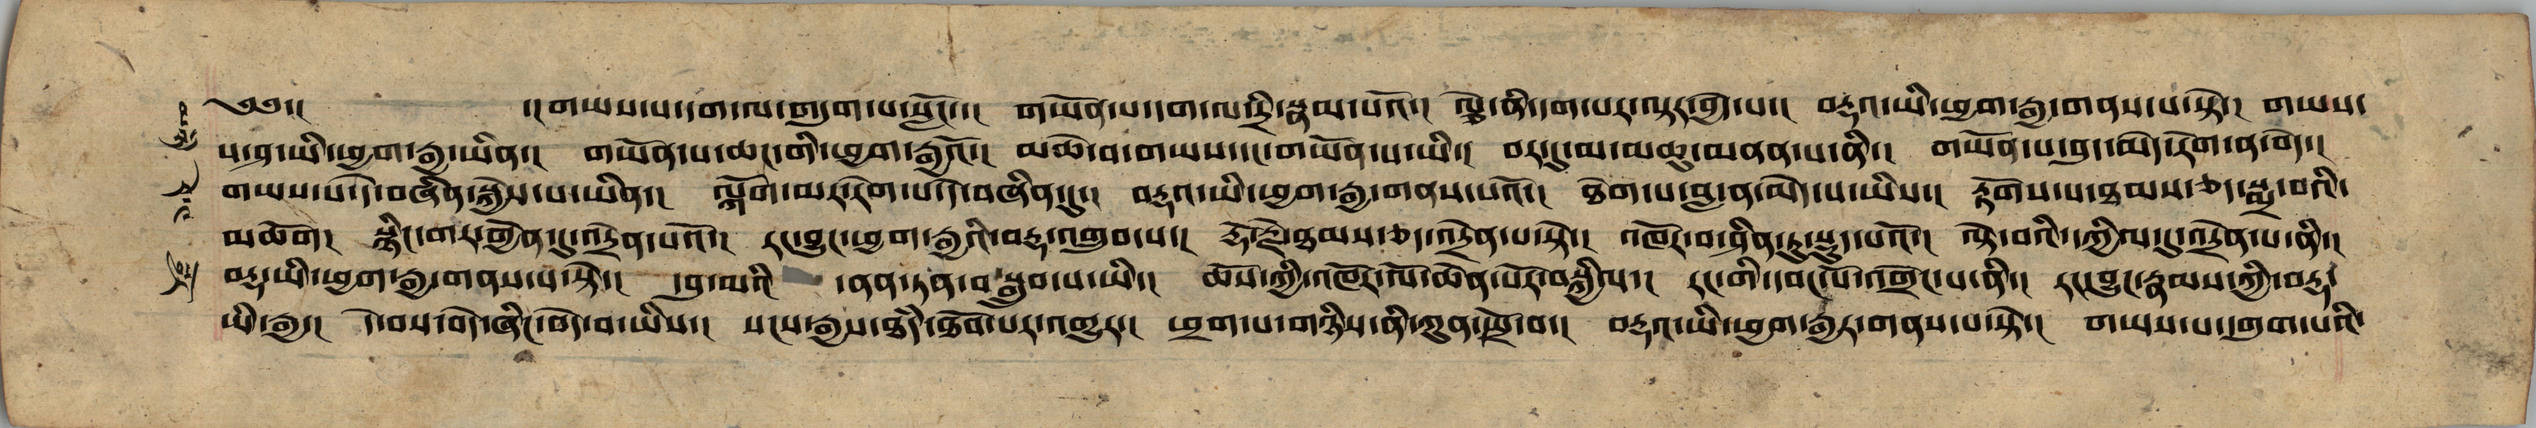༄༅་། ་།གཡས་པ་དག་ལ་གདུག་པ་སློང་་། གཡོན་པ་དག་ལ་དྲི་སྣམ་པའོ་། ལྕེ་ནི་དག་པར་ལྟར་བྱེད་པ། བརྡའ་ཡི་ཕྱག་རྒྱ་གནས་པ་་སྟེ་། གཡས་
ས་ཤ་ཡི་ཕྱག་རྒྱ་ཡིན་། གཡོན་པ་ཆང་གི་ཕྱག་རྒྱའོ་། མཆེ་བ་གཡས་དང་གཡོན་པ་ཡི་། བར་ཏུ་མ་མཆུ་མནན་པ་ནི་། གཡོན་པ་བུད་མེད་རེག་ན་བདེ་།
གཡས་པ་དེ་བཞིན་སྐྱེས་པ་ཡིན་། ལྐོག་མར་རེག་པ་དེ་བཞིན་དུ་། བརྡའ་ཡི་ཕྱག་རྒྱ་གནས་པའོ་། ཐེག་པ་བླ་ན་མེད་པ་ཡིས་། རྟོགས་པ་ཐམས་ཅད་སྨྲ་བའི་
མཆོག། སྙིང་གར་གྱེན་དུ་འདྲེན་པའོ་། རབ་བྱུང་ཕྱག་རྒྱའི་བརྡ་འགྲུབ་པ་། རྡོ་རྗེ་ཐམས་ཅད་འདྲེན་པ་སྟེ་། འཁོར་བ་ཤིན་ཏུ་སྡུད་པའོ་། ལྟེ་བའི་དཀྱིལ་དུ་འདྲེན་པ་ནི་།
བརྡ་ཡི་ཕྱག་རྒྱ་གནས་པ་སྟེ་། དབུ་མའི ་ནན་ཏན་བསྒྲུབ་པ་ཡི་། ཆོས་ཀྱི་འཁོར་ལོ་ཆེན་པོར་བསྐྱིལ་། རང་གི་དབང་པོ་འགྲེང་པ་ནི་། རང་བྱུང་རྣམས་ཀྱི་བརྡ་
ཡི་རྒྱ་། དེ་བས་བདེ་ཞིང་བདེ་བ་ཡིས་། སངས་རྒྱས་ཐདཾ་ཐོབ་པར་འགྱུར་། ཕྲག་པ་གཉིས་ནི་ཀུན་སྤྲོ་བ་། བརྡའ་ཡི་ཕྱག་་རྒྱར་གནས་པ་སྟེ་། གཡས་པ་དགུག་པའི་